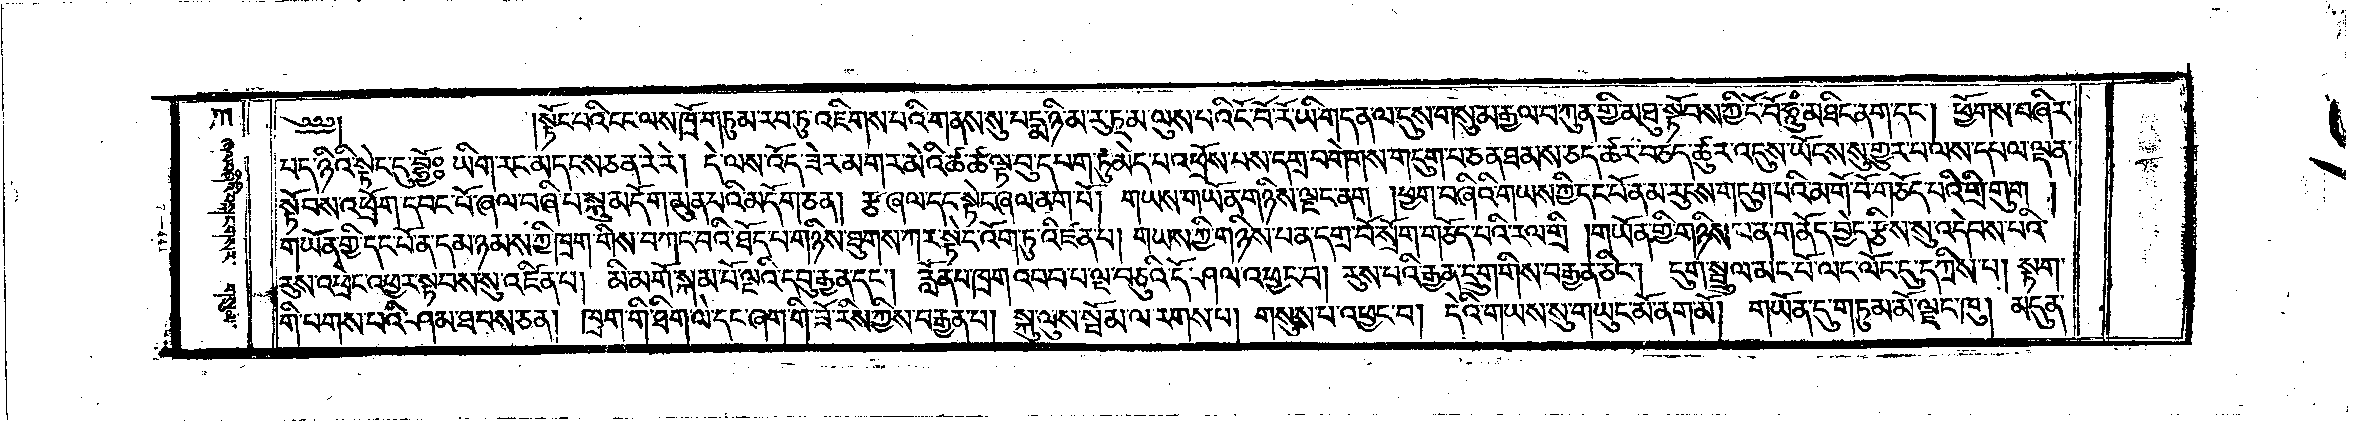༄༅༅། །སྟོང་པའི་ངང་ལས་ཁྲོ་གཏུམ་རབ་ཏུ་འཇིགས་པའི་གནས་སུ་པདམ་ཉི་མ་རུ་ཏྲ་མ་ལུས་པའི་ངོ་བོ་རོ་ཡི་གདན་ལ་དུས་གསུམ་རྒྱལ་བ་ཀུན་གྱི་མཐུ་སྟོབས་ཀྱི་ངོ་བོ་ཧཱུཾ་མཐིང་ནག་དང་། ཕྱོགས་བཞིར་
བད་ཉིའི་སྟེང་དུ་བྷྱོཿ ཡིག་རང་མདངས་ཅན་རེ་རེ། དེ་ལས་འོད་ཟེར་མགར་མེའི་ཚ་ཚ་ལྟ་བུ་དཔག་ཏུ་མེད་པ་འཕྲོས་པས་དགྲ་བགེགས་གདུག་པ་ཅན་ཐམས་ཅད་ཚར་བཅད་ཚུར་འདུས་ཡོངས་སུ་གྱུར་པ་ལས་དཔལ་ལྡན་
སྟོབས་འཕྲོག་དབང་པོ་ཞལ་བཞི་པ་སྐུ་མདོག་མུན་པའི་མདོག་ཅན། རྩ་ཞལ་དང་སྟེང་ཞལ་ནག་པོ། གཡས་གཡོན་གཉིས་ལྗང་ནག །ཕྱག་བཞིའི་གཡས་ཀྱི་དང་པོ་ན་མ་རུངས་གདུག་པའི་མགོ་བོ་གཅོད་པའི་གྲི་གུག །
གཡོན་གྱི་དང་པོ་ན་དམ་ཉམས་ཀྱི་ཁྲག་གིས་བཀང་བའི་ཐོད་པ་གཉིས་ཀར་སྟེང་འོག་ཏུ་འཛིན་པ། གཡས་ཀྱི་གཉིས་པ་ན་དགྲ་བོ་སྲོག་གཅོད་པའི་རྒལ་གྲི་།གཡོན་གྱི་གཉིས་པ་ན་གཅོད་བྱེད་རྩིས་སུ་འདེབས་པའི་
རུས་འཕྲེང་འཕྱར་སྟབས་སུ་འཛིན་པ། མི་མགོ་སྐམ་པོ་ལྔའི་དབུ་རྒྱན་དང་། རློན་པ་ཁྲག་འབབ་པ་ལྔ་བཅུའི་དོ་ཤལ་འཕྱང་བ། རུས་པའི་རྒྱན་དྲུག་གིས་བརྒྱན་ཅིང་། དུག་སྤྲུལ་མང་པོ་ལང་ལོང་དུ་དཀྲིས་པ། སྟག་
གི་པགས་པའི་ཤམ་ཐབས་ཅན། ཁྲག་གི་ཐིག་ལེ་དང་ཞག་གི་ཟོ་རིས་ཀྱིས་བརྒྱན་པ། སྐུ་ལུས་སྦོམ་ལ་རགས་པ། གསུས་པ་འཕྱང་བ། དེའི་གཡས་སུ་གཡུང་མོ་ནག་མོ། གཡོན་དུ་གཏུམ་མོ་ལྗང་ཁུ། མདུན་